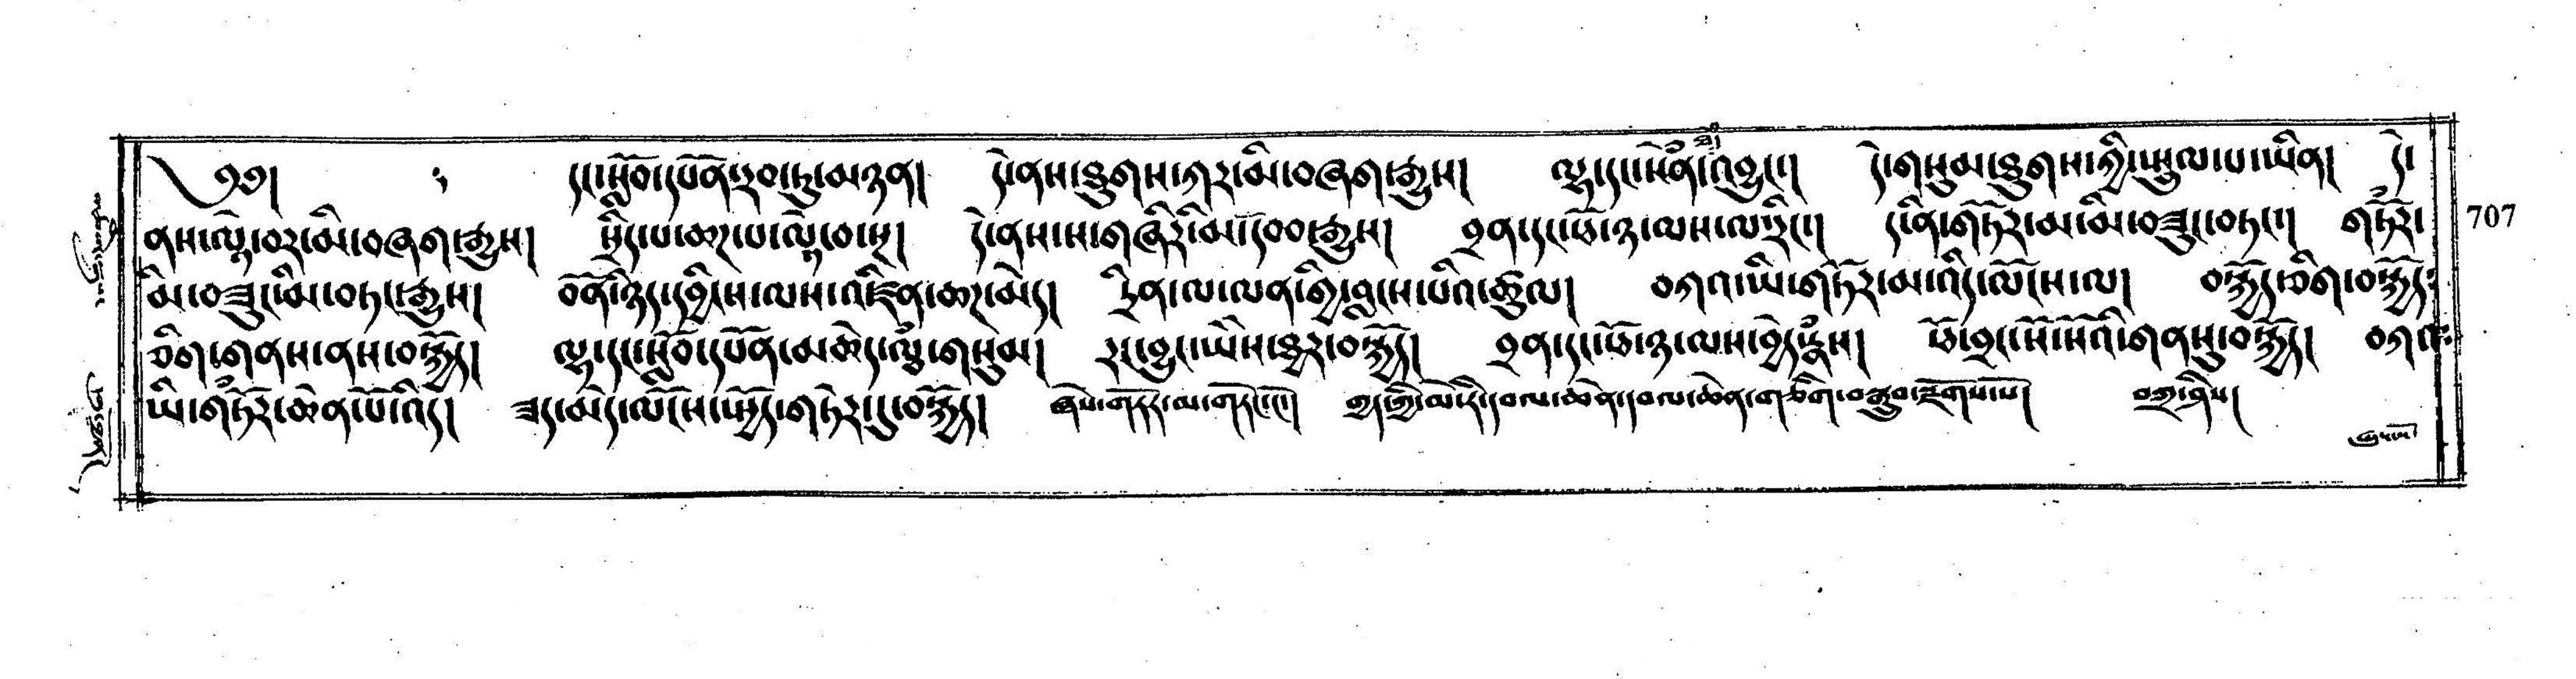དང་སློབ་དཔོན་རབ་ཏུ་མཉན། དེ་ནས་ཐུགས་ཀར་མི་བཞག་རྒྱུས། ལྷ་དང་སེམས་ཅན་ཐམས་ཅད་འབྱུང་། དེ་གསུམ་ཐུགས་ཀྱི་སྤྲུལ་པ་ཡིན། དེ་
ནས་ལྟེ་བར་མི་བཞག་རྒྱུས། སྲིད་པ་ཆགས་པ་ལྟེ་བ་སྔ། དེ་ནས་ས་གཞིར་མི་དབབ་རྒྱུས། བྲན་དང་ཕོ་ཉ་ལས་ལ་རིང་། ད་ནི་གཏོར་མ་མི་བཟུང་བཏང་། གཏོར་མ་
མི་བཟུང་མི་བཏང་རྒྱུས། བོན་ཉིད་དབྱིངས་ལས་འཛིན་ཆགས་མེད། དྲིན་ལ་ལན་གྱི་བླངས་པའི་ཚུལ། བཀའ་ཡི་གཏོར་མ་འདི་ལོངས་ལ། བསྐྱོད་ཅིག་བསྐྱོད་
ཅིག་གནས་ནས་བསྐྱོད། ལྷ་དང་སློབ་དཔོན་མཆེད་ལྕམ་གསུམ། རང་བྱུང་ཡེ་ཤེས་ཐུགས་ཀར་བསྐྱོད། བྲན་དང་ཕོ་ཉ་ལས་བྱེད་རྣམས། ཕོ་བྲང་སོ་སོའི་གནས་སུ་བསྐྱོད། བཀའ་
ཡི་གཏོར་མ་ཆེན་པོ་འདི། ཟད་མེད་ལོངས་སྤྱོད་གཏེར་དུ་བསྐྱོད། ཞེས་གཏོར་མ་གཏོང་ངོ་། གྱད་ཀྱི་མེ་རི་དབལ་ཆེན་གཅིག་བསྒྲུབ་རྫོགས་སོ། བཀྲ་ཤིས།